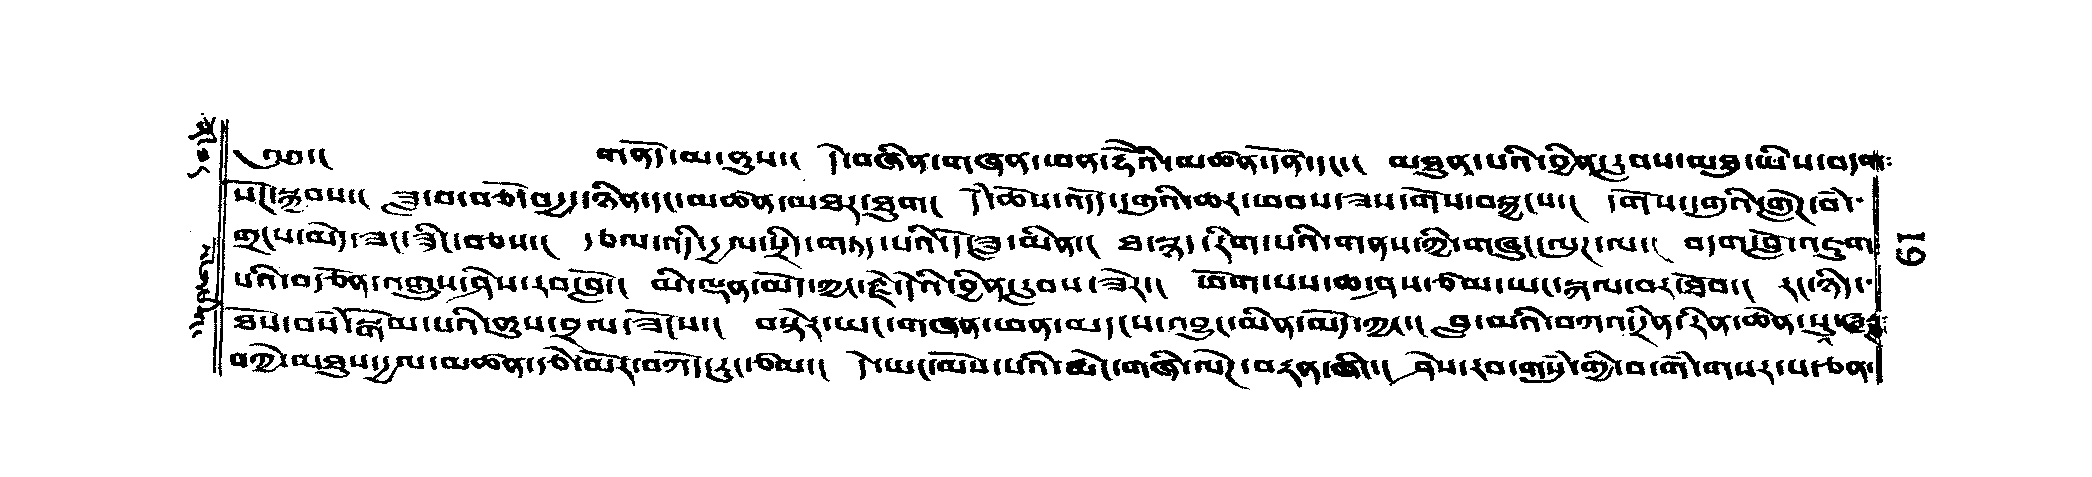གནོད་མ་ནུས། །དེ་བཞིན་གཞན་ཕན་རྡོ་རྗེའི་མཚན་དོན་དང་། །མཐུན་པའི་བྱིན་རླབས་མཐུ་ཡིས་བདག་
སོགས་སྐྱབས། །ཟླ་བ་བཅོ་བརྒྱད་ཉིན་དང་མཚན་མཐར་ཐུག དམ་ཆོས་འདོད་དགུའི་ཆར་ཕབས་ཟས་གོས་བསྐྱངས། །དགོས་དགུའི་གླེགས་བམ་
གྲངས་མེད་ཟང་ཟིང་བཅས། །བསྩལ་འདི་རྒྱལ་སྲིད་གཏད་པའི་དོ་ཟླ་མིན། །ཐ་སྙད་རིག་པའི་གནས་ཀྱི་གཞུང་ལུགས་ལ། །བདག་བློ་འཇུག་
པའི་བརྩོན་འགྲུས་ཤེས་རབ་བློ། །མི་ལྡན་མོད་ཀྱང་རྗེ་དེའི་བྱིན་རླབས་ཟེར། །ཕོག་པས་ཆ་ཤས་ཙམ་ཡང་སྐལ་བར་ཐོབ། །རང་ཉིད་
ཐོས་བསམ་སྒོམ་པའི་ནུས་བྲལ་ཟོངས། །བསྟེར་ཡང་གཞན་ཕན་མདངས་འབྱུང་མིན་མོད་ཀྱང་། །བླ་མའི་བཀའ་དྲིན་རིན་ཆེན་སུ་ཝརྞ། །
བཀྱེ་མཐུས་རྒྱལ་མཚན་རྩེ་མོར་བཀོད་རུང་ཙམ། །དེ་ཡང་མོས་པའི་རྨང་གཞི་ལེགས་བརྟན་ཞིང་། །ཤེས་རབ་གསུམ་གྱི་བ་གམ་གསར་པ་ཅན།